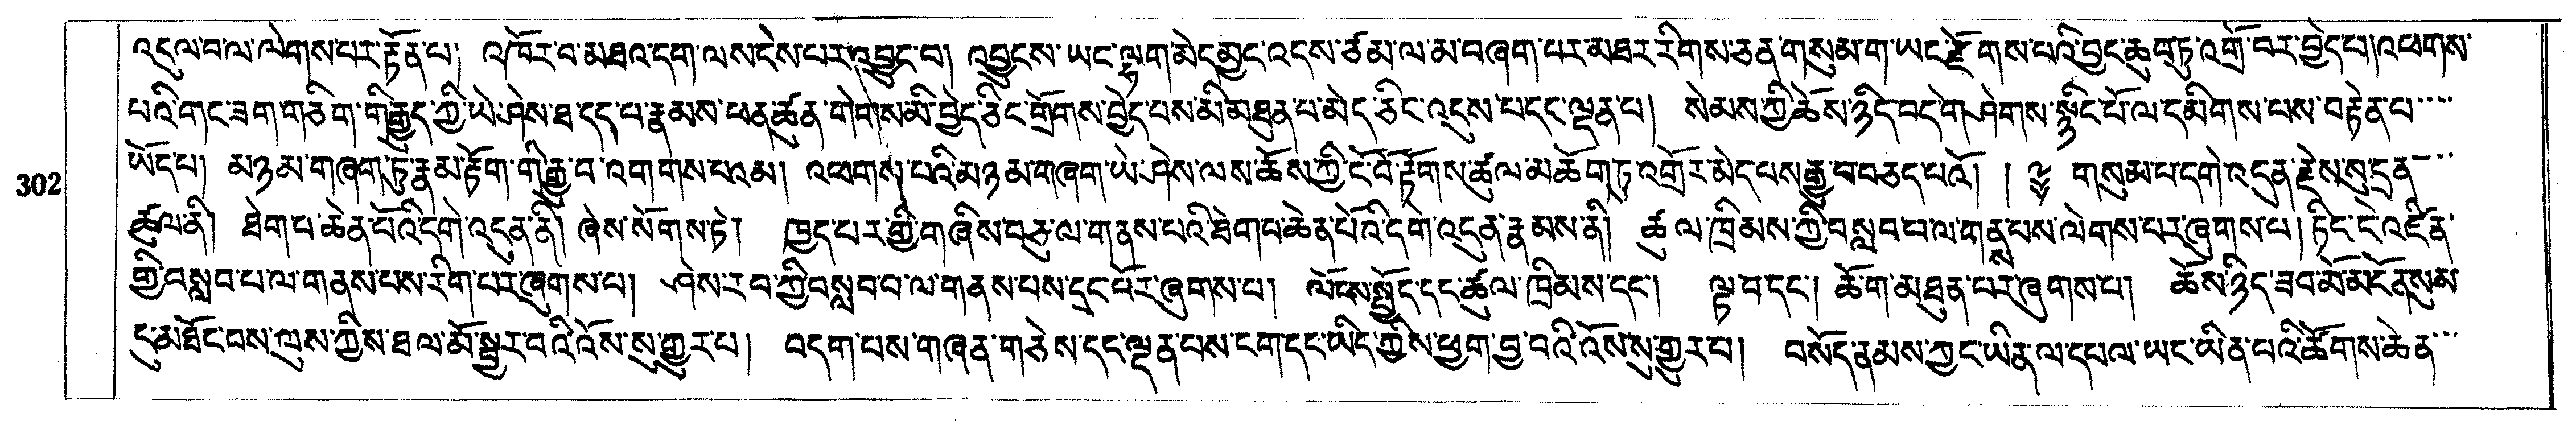འདུལ་བ་ལ་ལེགས་པར་རྟོན་པ། འཁོར་བ་མཐའ་དག་ལས་ངེས་པར་འབྱུང་བ། འབྱུངས་ཡང་ལྷག་མེད་མྱང་འདས་ཙམ་ལ་མ་བཞག་པར་མཐར་རིགས་ཅན་གསུམ་ག་ཡང་རྫོགས་པའི་བྱང་ཆུབ་ཏུ་འགྲོ་བར་བྱེད་པ། འཕགས་
པའི་གང་ཟག་གཅིག་གི་རྒྱུད་ཀྱི་ཡེ་ཤེས་ཐ་དད་པ་རྣམས་ཕན་ཚུན་གེགས་མི་བྱེད་ཅིང་གྲོགས་བྱེད་པས་མི་མཐུན་པ་མེད་ཅིང་འདུས་པ་དང་ལྡན་པ། སེམས་ཀྱི་ཆོས་ཉིད་བདེ་གཤེགས་སྙིང་པོ་ལ་དམིགས་པས་བརྟེན་པ་
ཡོད་པ། མཉམ་གཞག་ཏུ་རྣམ་རྟོག་གི་རྒྱུ་བ་འགགས་པའམ། འཕགས་པའི་མཉམ་གཞག་ཡེ་ཤེས་ལས་ཆོས་ཀྱི་ངོ་བོ་རྟོགས་ཚུལ་མཆོག་ཏུ་འགྲོར་མེད་པས་རྒྱུ་བ་བཅད་པའོ། ། ༈ གསུམ་པ་དགེ་འདུན་རྗེས་སུ་དྲན་
ཚུལ་ནི། ཐེག་པ་ཆེན་པོའི་དགེ་འདུན་ནི། ཞེས་སོགས་ཏེ། ཁྱད་པར་གྱི་གཞིས་བཅུ་ལ་གནས་པའི་ཐེག་པ་ཆེན་པོའི་དགེ་འདུན་རྣམས་ནི། ཚུལ་ཁྲིམས་ཀྱི་བསླབ་པ་ལ་གནས་པས་ལེགས་པར་ཞུགས་པ། ཏིང་ངེ་འཛིན་
གྱི་བསླབ་པ་ལ་གནས་པས་རིག་པ་ཞུགས་པ། ཤེས་རབ་ཀྱི་བསླབ་པ་ལ་གནས་པས་དྲང་པོར་ཞུགས་པ། ལོངས་སྤྱོད་དང་ཚུལ་ཁྲིམས་དང་། ལྟ་བ་དང་། ཆོ་ག་མཐུན་པར་ཞུགས་པ། ཆོས་ཉིད་ཟབ་མོ་མངོན་སུམ་
དུ་མཐོང་བས་ལུས་ཀྱིས་ཐལ་མོ་སྦྱར་བའི་འོས་སུ་གྱུར་པ། བདག་པས་གཞན་གཅེས་དང་ལྡན་པས་ངག་དང་ཡིད་ཀྱིས་ཕྱག་བྱ་བའི་འོས་སུ་གྱུར་པ། བསོད་ནམས་ཀྱང་ཡིན་ལ་དཔལ་ཡང་ཡིན་པའི་ཚོགས་ཆེན་